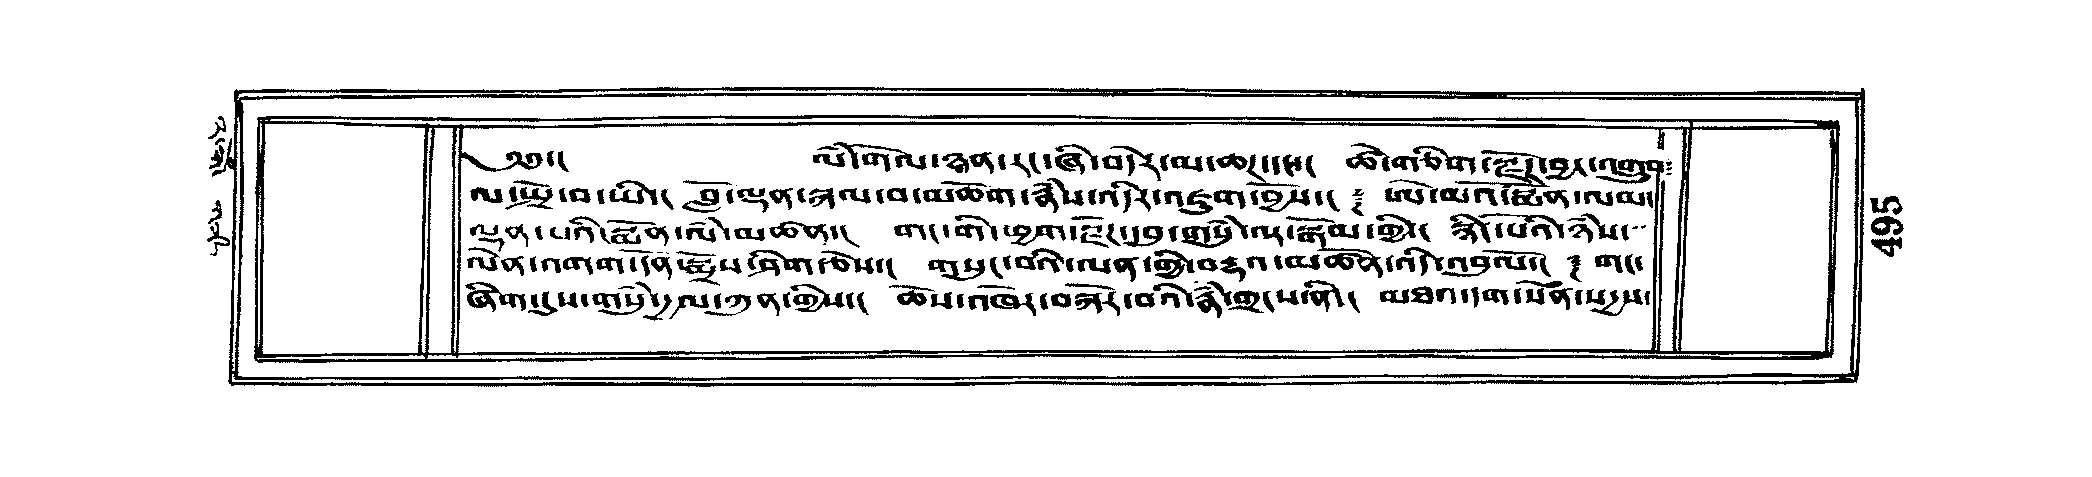།ལམ་གོལ་ཉན་རང་ཞི་བདེར་མ་ཆགས་དང་། །ཚེ་གཅིག་རྫོགས་བྱང་འགྲུབ་
ལ་སྤྲོ་བ་ཡི། །བློ་དམན་སྐལ་བ་མཆོག་རྣམས་འདིར་འཇུག་བྱོས། ༈ ཨེ་མ་ཧོ་སྨོན་ལམ་
ལྡན་པའི་སྨོན་ལམ་མཚན། །གང་གི་ཕྱག་རྫོགས་དབུ་གསུམ་ལྟ་སྒོམ་གྱི། །སྙིང་པོའི་ཉམས་
ལེན་འགག་དོན་སྨྲོས་ཤིག་ཅེས། །གསུངས་བའི་ལན་གྱི་བརྡ་མཚོན་འདི་འབུལ་ལོ། ༈ གང་
ཞིག་དུས་གསུམ་རྒྱལ་ཀུན་གྱིས། །ཆོས་འཁོར་བསྐོར་བའི་རྣམ་གྲངས་ནི། །མཐའ་དག་སེམས་ཅན་སངས་རྒྱས་